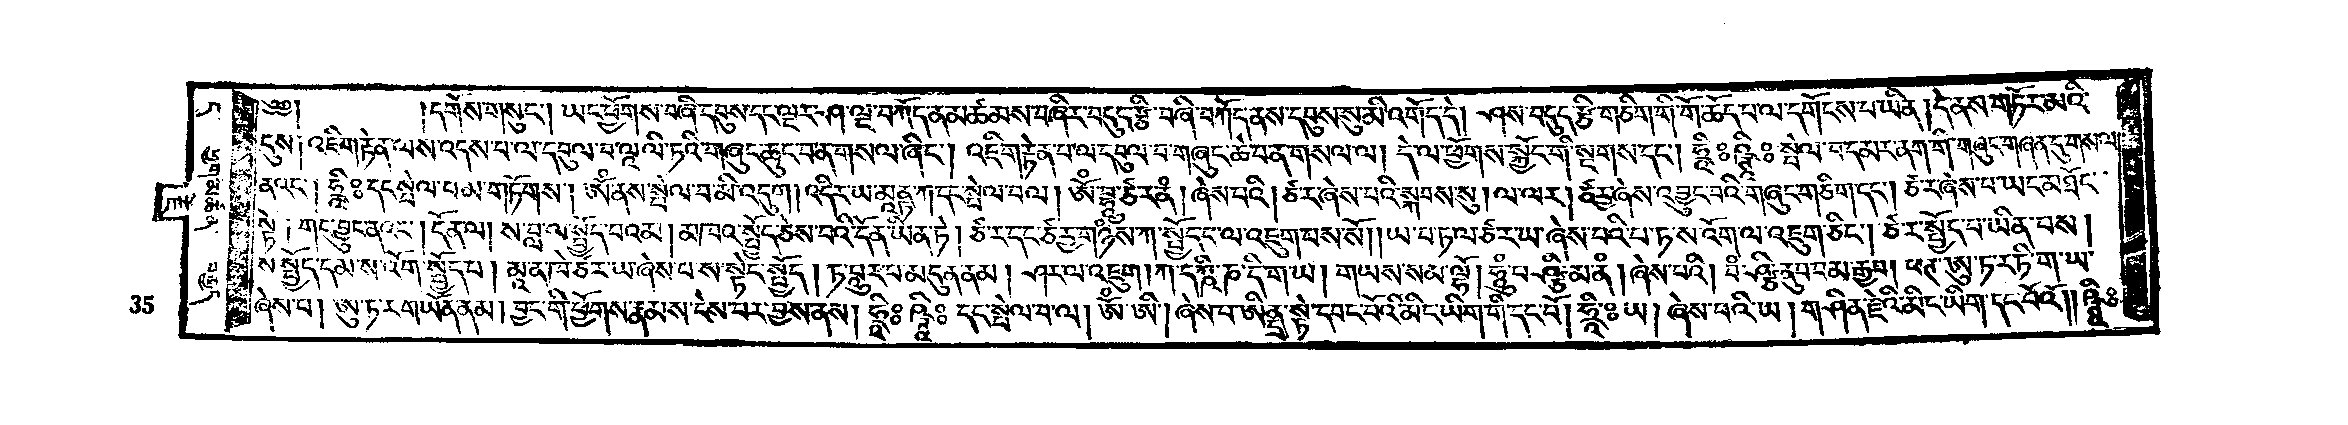༄༅། །དགོས་གསུང་། ཡང་ཕྱོགས་བཞི་དབུས་དང་ལྔར་ཤ་ལྔ་བཀོད་ན་མཚམས་བཞིར་བདུད་རྩི་བཞི་བཀོད་ནས་དབུས་སུ་མི་འགོད་དེ། ཤས་བདུད་རྩི་གཅིག་གི་གོ་ཆོད་པ་ལ་དགོངས་པ་ཡིན། དེ་ནས་གཏོར་མའི་
དུས། འཇིག་རྟེན་ལས་འདས་པ་ལ་དབུལ་བ་ལཱ་ལི་ཏའི་གཞུང་ཆུང་བ་ན་གསལ་ཞིང་། འཇིག་རྟེན་པ་ལ་དབུལ་བ་གཞུང་ཆེ་བ་ན་གསལ་ལ། དེ་ལ་ཕྱོགས་སྐྱོང་གི་སྔགས་དང་། ཧྲཱཾཿ ཥྚཱིཿ སྤེལ་བ་དམར་ནག་གི་གཞུང་གཞན་དུ་གསལ་
ནའང་། ཧྲཱིཿ དང་སྤེལ་པ་མ་གཏོགས། ཨོཾ་ནས་སྤེལ་བ་མི་འདུག །འདིར་ཡ་མཱནྟ་ཀ་དང་སྤེལ་བལ། ཨོཾ་བྷཱུ་ཙ་ར་ནཾ། ཞེས་པའི། ཙ་ར་ཞེས་པའི་སྐབས་སུ། ལ་ལར། ཙརྱ་ཞེས་འབྱུང་བའི་གཞུང་གཅིག་དང་། ཙ་ར་ཞེས་པ་ཡང་མཐོང་
སྟེ། གང་བྱུང་ནའང་། དོན་ལ། ས་བླ་ལ་སྤྱོད་པའམ། མཁའ་སྤྱོད་ཅེས་པའི་དོན་ཡིན་ཏེ། ཙ་ར་དང་ཙ་རྱ་གཉིས་ཀ་སྤྱོད་པ་ལ་འཇུག་པས་སོ། །ཡ་པ་ཏ་ལ་ཙ་ར་ཡ་ཞེས་པའི་པ་ཏ་ས་འོག་ལ་འཇུག་ཅིང་། ཙ་ར་སྤྱོད་པ་ཡིན་པས།
ས་སྤྱོད་དམ་ས་འོག་སྤྱོད་པ། མཱ་ན་ཁེ་ཙ་ར་ཡ་ཞེས་པ་ས་སྟེང་སྤྱོད། ཏ་བཱུར་པ་མདུན་ནམ། ཤར་ལ་འཇུག། ཀ་དཀྵི་ཎ་དི་ག་ཡ། གཡས་སམ་ལྷོ། ཧཱུཾ་པ་ཤྩི་ན་ནཾ། ཞེས་པའི་བཾ་ཤྩི་ནུབ་བམ་རྒྱབ། ཕཊ་ཨུ་ཏ་ར་ཏི་ག་ཡ་
ཞེས་པ། ཨུ་ཏ་ར་གཡོན་ནམ། བྱང་གི་ཕྱོགས་རྣམས་ངེས་པར་བྱས་ནས། ཧྲཱིཿ ཥྚའིཿ དང་སྤེལ་བ་ལ། ཨོཾ་ཨི། ཞེས་པ་ཨིནྡྲ་སྟེ་དབང་པོའི་མིང་ཡིག་གི་དང་པོ། ཧྲཱིཿ ཡ། ཞེས་པའི་ཡ། གཤིན་རྗེའི་མིང་ཡིག་དང་པོའོ། །ཥྚའིཿ